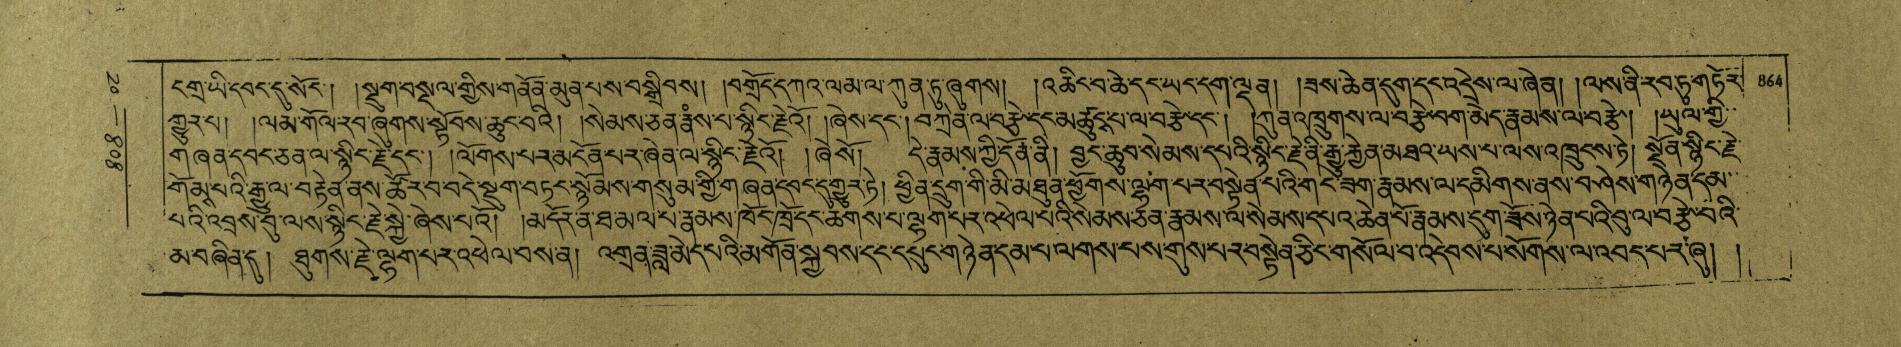དགྲ་ཡི་དབང་དུ་སོང་། །སྡུག་བསྔལ་གྱིས་གནོན་མུན་པས་བསྒྲིབས། །བགྲོད་དཀའ་ལམ་ལ་ཀུན་ཏུ་ཞུགས། །འཆིང་བ་ཆེ་དང་ཡང་དག་ལྡན། །ཟས་ཆེན་དུག་དང་འདྲེས་ལ་ཞེན། །ལས་ནི་རབ་ཏུ་གཏོར་
གྱུར་པ། །ལམ་གོལ་རབ་ཞུགས་སྟོབས་ཆུང་བའི། །སེམས་ཅན་རྣཾས་པ་སྙིང་རྗེའོ། །ཞེས་དང་། བཀྲེན་ལ་བརྩེ་དང་མཚུངས་པ་ལ་བརྩེ་དང་། །ཀུན་འཁྲུགས་ལ་བརྩེ་བག་མེད་རྣམས་ལ་བརྩེ། །ཡུལ་གྱི་
གཞན་དབང་ཅན་ལ་སྙིང་རྗེ་དང་། །ལོགས་པར་མངོན་པར་ཞེན་ལ་སྙིང་རྗེའོ། །ཞེས་སོ། དེ་རྣམས་ཀྱི་དོན་ནི། བྱང་ཆུབ་སེམས་དཔའི་སྙིང་རྗེ་ནི་རྒྱུ་རྐྱེན་མཐའ་ཡས་པ་ལས་འཁྲུངས་ཏེ། སྔོན་སྙིང་རྗེ་
གོམས་པའི་རྒྱུ་ལ་བརྟེན་ནས་ཚོར་བ་བདེ་སྡུག་བཏང་སྙོམས་གསུམ་གྱི་གཞན་དབང་དུ་གྱུར་ཏེ། ཕྱིན་དྲུག་གི་མི་མཐུན་ཕྱོགས་ལྷག་པར་བསྟེན་པའི་གང་ཟག་རྣམས་ལ་དམིགས་ནས་བཤེས་གཉེན་དམ་
པའི་འབྲས་བུ་ལས་སྙིང་རྗེ་སྐྱེ་ཞེས་པའོ། །མདོར་ན་ཐ་མལ་པ་རྣམས་ཁོང་ཁྲོ་དང་ཆགས་པ་ལྷག་པར་འཕེལ་པའི་སེམས་ཅན་རྣམས་ལ་སེམས་དཔའ་ཆེན་པོ་རྣམས་དུག་ཟོས་ཉེན་པའི་བུ་ལ་བརྩེ་བའི་
མ་བཞིན་དུ། ཐུགས་རྗེ་ལྷག་པར་འཕེལ་བས་ན། འགྲན་ཟླ་མེད་པའི་མགོན་སྐྱབས་དང་དཔུང་གཉེན་དམ་པ་ལགས་པས་གུས་པར་བསྟེན་ཅིང་གསོལ་བ་འདེབས་པ་སོགས་ལ་འབད་པར་ཞུ། །